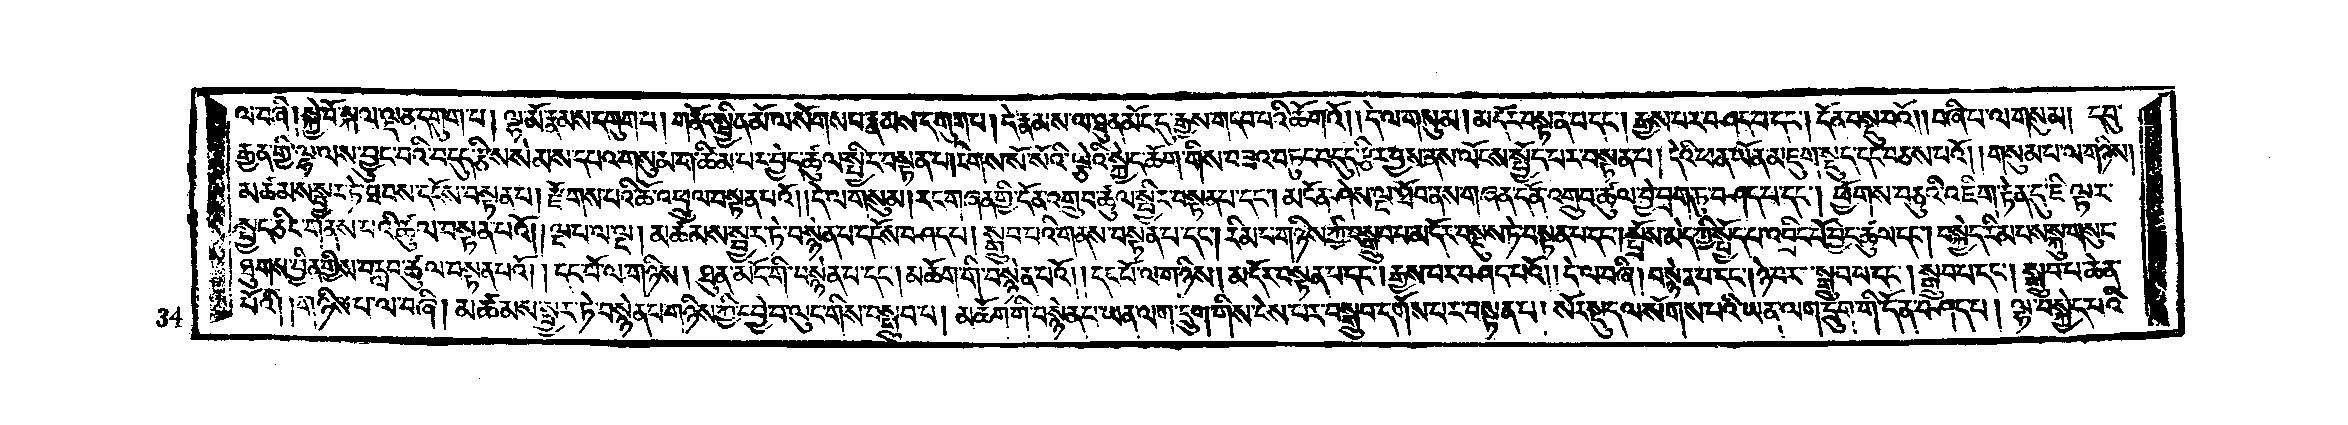ལ་བཞི། སྐྱེ་བོ་སྐལ་ལྡན་དགུག་པ། ལྷ་མོ་རྣམས་དགུག་པ། གནོད་སྦྱིན་མོ་ལ་སོགས་པ་རྣམས་དགུག་པ། དེ་རྣམས་ལ་ཐུན་མོང་དུ་རྒྱས་གདབ་པའི་ཆོ་གའོ། །དེ་ལ་གསུམ། མདོར་བསྟན་པ་དང་། རྒྱས་པར་བཤད་པ་དང་། དོན་བསྡུ་བའོ། །བཞི་པ་ལ་གསུམ། དབུ་
རྒྱན་གྱི་ལྷ་ལས་བྱུང་བའི་བདུད་རྩིས་སེམས་དཔའ་གསུམ་ག་ཚིམ་པར་བྱེད་ཚུལ་སྤྱིར་བསྟན་པ། རིགས་སོ་སོའི་ལྕེའི་སྐྱེད་ཆོག་གིས་བཟའ་བཏུང་བདུད་རྩིར་བྱས་ནས་ལོངས་སྤྱོད་པར་བསྟན་པ། དེའི་ཕན་ཡོན་མཇུག་སྡུད་དང་བཅས་པའོ། །གསུམ་པ་ལ་གཉིས།
མཚམས་སྦྱར་ཏེ་ཐབས་དངོས་བསྟན་པ། རྫོགས་པའི་ཆོ་འཕྲུལ་བསྟན་པའོ། །དེ་ལ་གསུམ། རང་གཞན་གྱི་དོན་འགྲུབ་ཚུལ་སྤྱིར་བསྟན་པ་དང་། མངོན་ཤེས་ལྔ་ཐོབ་ནས་གཞན་དོན་འགྲུབ་ཚུལ་བྱེ་བྲག་ཏུ་བཤད་པ་དང་། ཕྱོགས་བཅུའི་འཇིག་རྟེན་དུ་ཇི་ལྟར་
སྤྱད་ཅིང་གནས་པའི་ཚུལ་བསྟན་པའོ། །ལྔ་པ་ལ་ལྔ། མཚམས་སྦྱར་ཏེ་བསྙེན་པ་དངོས་བཤད་པ། སྒྲུབ་པའི་གནས་བསྟན་པ་དང་། རིམ་པ་གཉིས་ཀྱི་བསྒྲུབ་པ་མདོར་བསྡུས་ཏེ་བསྟན་པ་དང་། སྤྲོས་མེད་ཀྱི་སྤྱོད་པ་འབྲིང་པོ་བྱེད་ཚུལ་དང་། བསྐྱེད་རིམ་པས་སྐུ་གསུང་
ཐུགས་བྱིན་གྱིས་བརླབ་ཚུལ་བསྟན་པའོ། །དང་པོ་ལ་གཉིས། ཐུན་མོང་གི་བསྙེན་པ་དང་། མཆོག་གི་བསྙེན་པའོ། །དང་པོ་ལ་གཉིས། མདོར་བསྟན་པ་དང་། རྒྱས་པར་བཤད་པའོ། །དེ་ལ་བཞི། བསྙེན་པ་དང་། ཉེ་བར་སྒྲུབ་པ་དང་། སྒྲུབ་པ་དང་། སྒྲུབ་པ་ཆེན་
པོའོ། །གཉིས་པ་ལ་བཞི། མཚམས་སྦྱར་ཏེ་བསྙེན་པ་གཉིས་ཀྱི་དབྱེ་བ་ལུང་གིས་བསྒྲུབ་པ། མཆོག་གི་བསྙེན་པ་ཡན་ལག་དྲུག་གིས་ངེས་པར་བསྒྲུབ་དགོས་པར་བསྟན་པ། སོར་སྡུད་ལ་སོགས་པའི་ཡན་ལག་དྲུག་གི་དོན་བཤད་པ། ལྷ་བསྐྱེད་པའི་